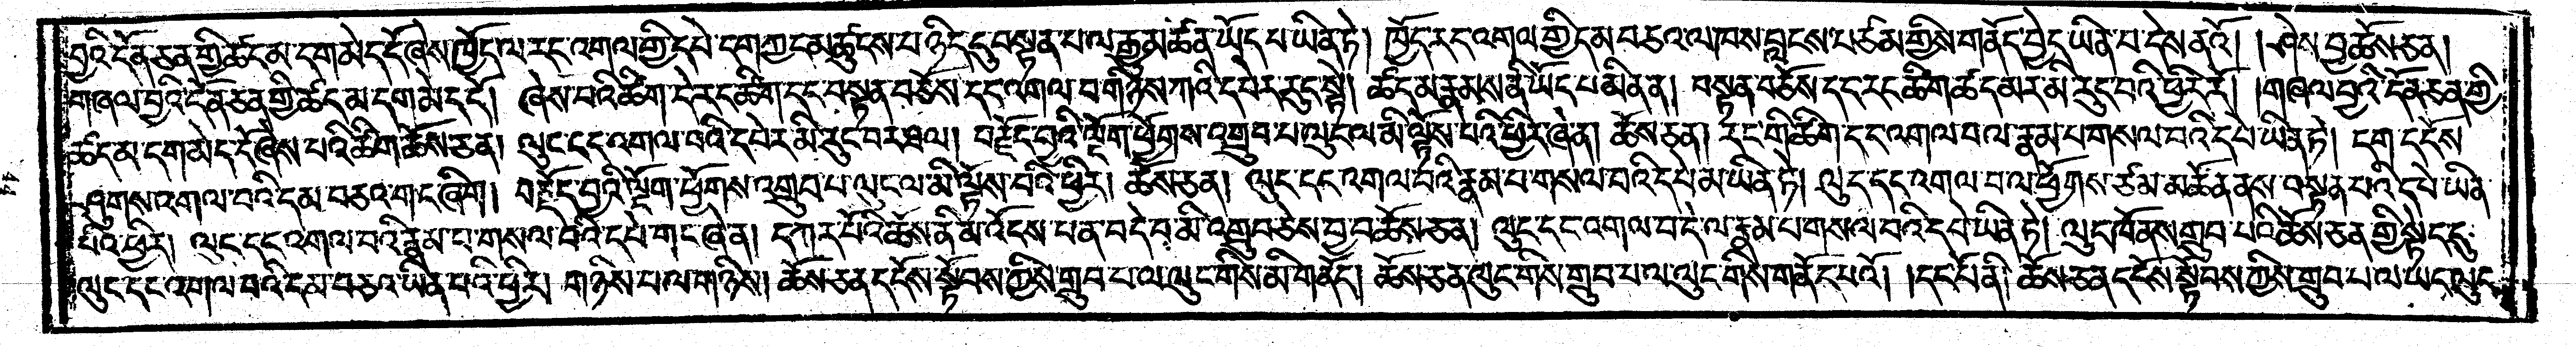བྱའི་དོན་ཅན་གྱི་ཚང་མ་དག་མེད་དོ་ཞེས་ཁྱོད་ལ་རང་འགལ་གྱི་དཔེ་དག་ཀྱང་མཚུངས་པ་ཉིད་དུ་བསྟན་པ་ལ་རྒྱུ་མཚན་ཡོད་པ་ཡིན་ཏེ། ཁྱོད་རང་འགལ་གྱི་དམ་བཅའ་ལ་ཁས་བླངས་པ་ཙམ་གྱིས་གནོད་བྱེད་ཡིན་པ་དེས་ནའོ། །ཤེས་བྱ་ཆོས་ཅན།
གཞལ་བྱའི་དོན་ཅན་གྱི་ཚད་མ་དག་མེད་དོ། ཞེས་པའི་ཚིག་དེ་རང་ཚིག་དང་བསྟན་བཅོས་དང་འགལ་བ་གཉིས་ཀའི་དཔེར་རུང་སྟེ། ཚད་མ་རྣམས་ནི་ཡོད་པ་མིན་ན། བསྟན་བཅོས་དང་རང་ཚིག་ཚད་མར་མི་རུང་བའི་ཕྱིར་རོ། །གཞལ་བྱའི་དོན་ཅན་གྱི་
ཚད་མ་དག་མེད་དོ་ཞེས་པའི་ཚིག་ཆོས་ཅན། ལུང་དང་འགལ་བའི་དཔེར་མི་རུང་བར་ཐལ། བརྗོད་བྱའི་ལྡོག་ཕྱོགས་འགྲུབ་པ་ལུང་ལ་མི་ལྟོས་པའི་ཕྱིར་ཞེ་ན། ཆོས་ཅན། རང་གི་ཚིག་དང་འགལ་བ་ལ་རྣམ་པ་གསལ་བའི་དཔེ་ཡིན་ཏེ། དག་དངོས་
ཤུགས་འགལ་བའི་དམ་བཅའ་གང་ཞིག། བརྗོད་བྱའི་ལྡོག་ཕྱོགས་འགྲུབ་པ་ལུང་ལ་མི་ལྟོས་པའི་ཕྱིར། ཆོས་ཅན། ལུང་དང་འགལ་བའི་རྣམ་པ་གསལ་བའི་དཔེ་མ་ཡིན་ཏེ། ལུང་དང་འགལ་བ་ལ་ཕྱོགས་ཙམ་མཚོན་ནས་བསྟན་པའི་དཔེ་ཡིན་
པའི་ཕྱིར། ལུང་དང་འགལ་བའི་རྣམ་པ་གསལ་བའི་དཔེ་གང་ཞེ་ན། དཀར་པོའི་ཆོས་ནི་མ་འོངས་པ་ན་བདེ་བ་མི་འགྲུབ་ཅེས་བྱ་བ་ཆོས་ཅན། ལུང་དང་འགལ་བ་དེ་ལ་རྣམ་པ་གསལ་བའི་དཔེ་ཡིན་ཏེ། ལུང་ཁོ་ནས་གྲུབ་པའི་ཆོས་ཅན་གྱི་སྟེང་དུ་
ལུང་དང་འགལ་བའི་དམ་བཅའ་ཡིན་པའི་ཕྱིར། གཉིས་པ་ལ་གཉིས། ཆོས་ཅན་དངོས་སྟོབས་ཀྱིས་གྲུབ་པ་ལ་ལུང་གིས་མི་གནོད། ཆོས་ཅན་ལུང་གིས་གྲུབ་པ་ལ་ལུང་གིས་གནོད་པའོ། །དང་པོ་ནི། ཆོས་ཅན་དངོས་སྟོབས་ཀྱིས་གྲུབ་པ་ལ་ཡང་ལུང་